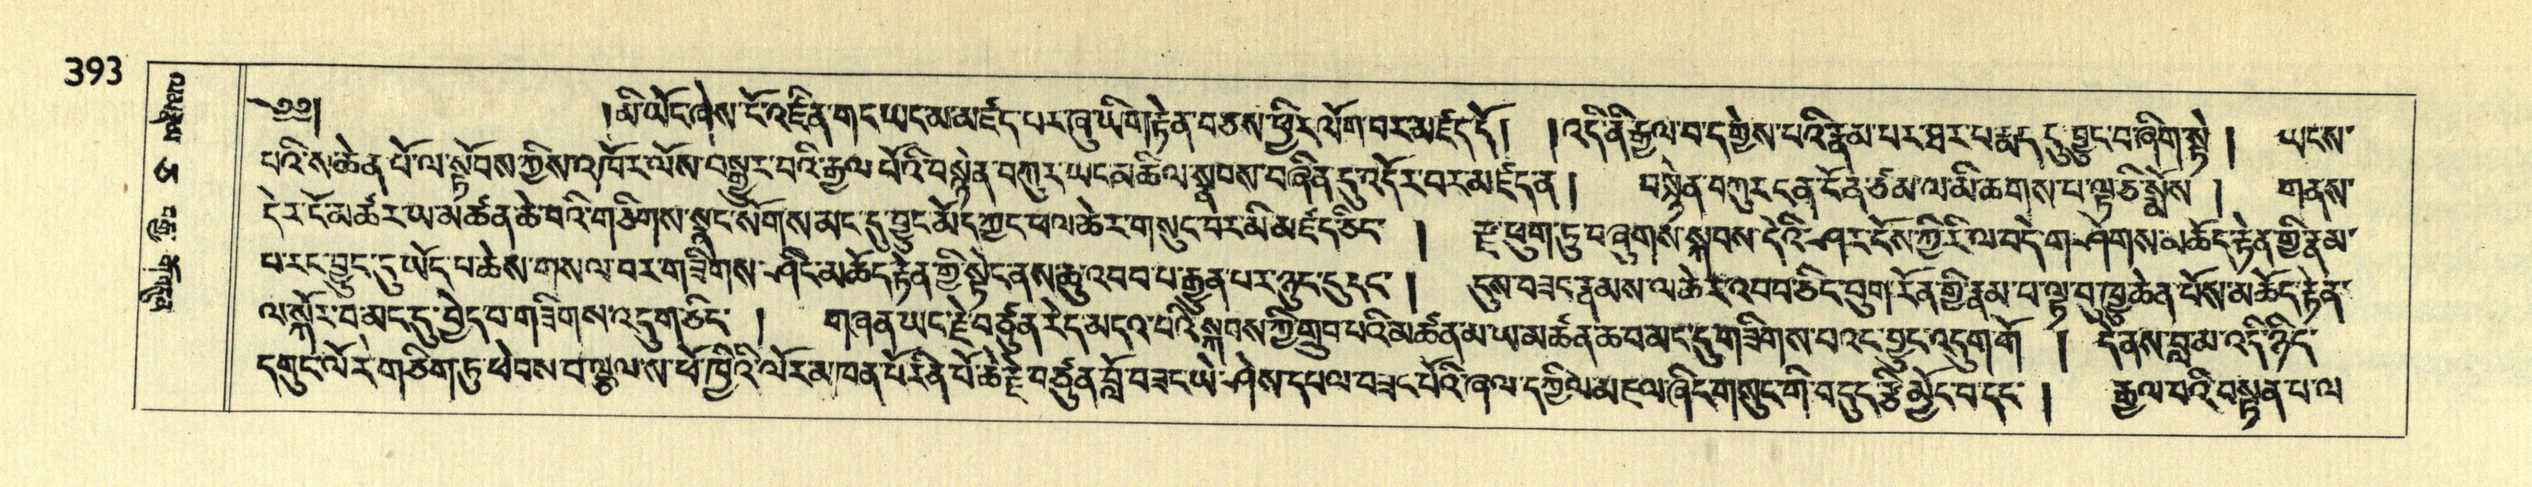༄༅། །མི་ཡོང་ཞེས་ངོ་འཛིན་གང་ཡང་མ་མཛད་པར་ཞུ་ཡིག་རྟེན་བཅས་ཕྱིར་ལོག་བར་མཛད་དོ། །འདི་ནི་རྒྱལ་བ་དགྱེས་པའི་རྣམ་པར་ཐར་པ་རྨད་དུ་བྱུང་བ་ཞིག་སྟེ། ཡངས་
པའི་ས་ཆེན་པོ་ལ་སྟོབས་ཀྱིས་འཁོར་ལོས་བསྒྱུར་བའི་རྒྱལ་པོའི་བསྙེན་བཀུར་ཡང་མཆིལ་སྣབས་བཞིན་དུ་འདོར་བར་མཛད་ན། བསྙེན་བཀུར་ངན་ངོན་ཙམ་ལ་མི་ཆགས་པ་ལྟ་ཅི་སྨོས། གནས་
དེར་ངོ་མཚར་ཡ་མཚན་ཆེ་བའི་གཅིགས་སྣང་སོགས་མང་དུ་བྱུང་མོད་ཀྱང་ཕལ་ཆེར་གསུང་བར་མི་མཛད་ཅིང་། རྫ་ཕུག་ཏུ་བཞུགས་སྐབས་དེའི་ཤར་ངོས་ཀྱི་རི་ལ་བདེ་གཤེགས་མཆོད་རྟེན་གྱི་རྣམ་
པ་རང་བྱུང་དུ་ཡོད་པ་ཆེས་གསལ་བར་གཟིགས་ཤིང་མཆོད་རྟེན་གྱི་སྟེང་ནས་ཆུ་འབབ་པ་རྒྱུན་པར་ཉུང་དུ་དང་། དུས་བཟང་རྣམས་ལ་ཆེར་འབབ་ཅིང་བུག་རོན་གྱི་རྣམ་པ་ལྟ་བུ་ཁྱུ་ཆེན་པོས་མཆོད་རྟེན་
ལ་སྐོར་བ་མང་དུ་བྱེད་པ་གཟིགས་འདུག་ཅིང་། གཞན་ཡང་རྗེ་བཙུན་རེད་མདའ་པའི་སྐབས་ཀྱི་གྲུབ་པའི་མཚན་མ་ཡ་མཚན་ཆ་བ་མང་དུ་གཟིགས་པའང་བྱུང་འདུག་གོ ། དེ་ནས་བླ་མ་འདི་ཉིད་
དགུང་ལོ་རེ་གཅིག་ཏུ་ཕེབས་བ་ལྩལ་ས་ཕོ་ཁྱིའི་ལོར་མཁན་པོ་རིན་པོ་ཆེ་རྗེ་བཙུན་བློ་བཟང་ཡེ་ཤེས་དཔལ་བཟང་པོའི་ཞལ་དཀྱིལ་མཇལ་ཞིང་གསུང་གི་བདུད་རྩི་མྱོང་བ་དང་། རྒྱལ་པའི་བསྟན་པ་ལ་